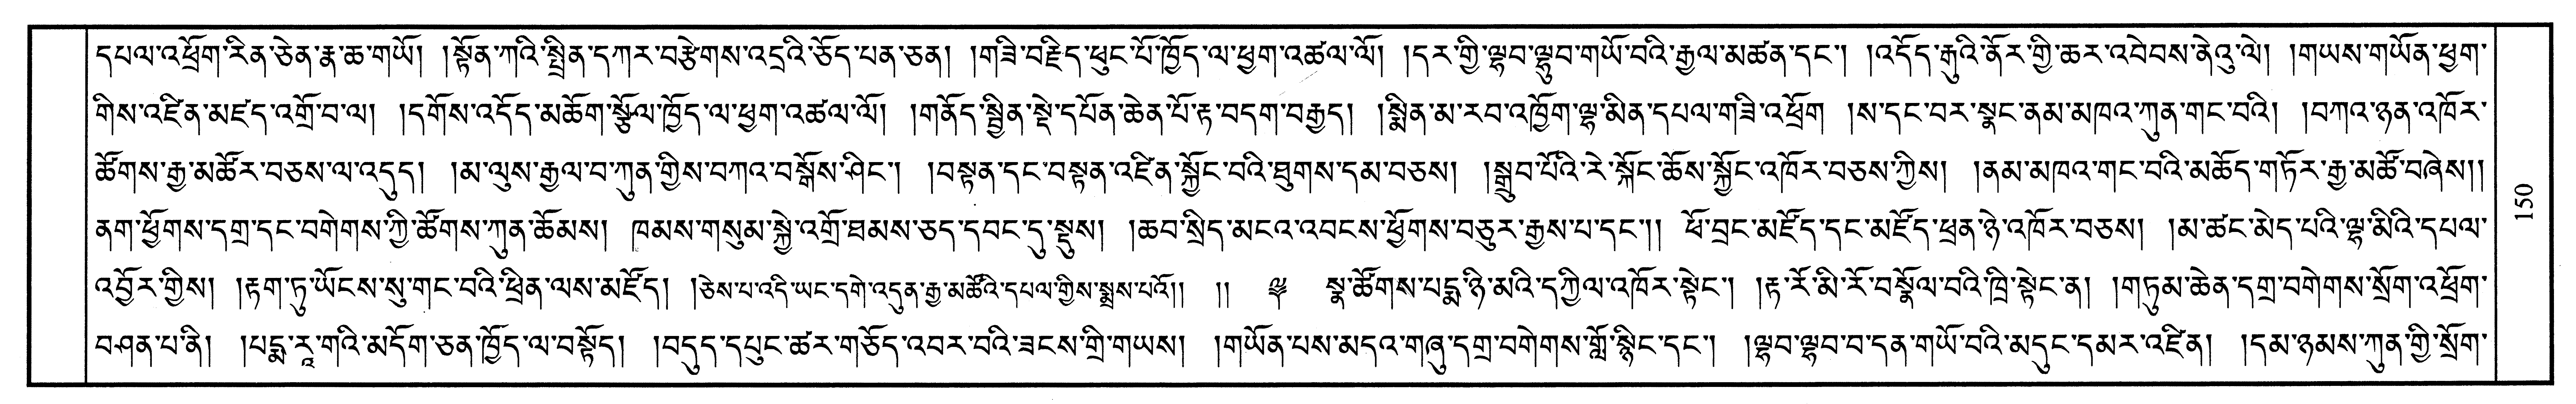དཔལ་འཕྲོག་རིན་ཅེན་རྣ་ཆ་གཡོ། །སྟོན་ཀའི་སྤྲིན་དཀར་བརྩེགས་འདྲའི་ཅོད་པན་ཅན། །གཟི་བརྗིད་ཕུང་པོ་ཁྱོད་ལ་ཕྱག་འཚལ་ལོ། །དར་གྱི་ལྷབ་ལྷུབ་གཡོ་བའི་རྒྱལ་མཚན་དང་། །འདོད་རྒུའི་ནོར་གྱི་ཆར་འབེབས་ནེའུ་ལེ། །གཡས་གཡོན་ཕྱག་
གིས་འཛིན་མཛད་འགྲོ་བ་ལ། །དགོས་འདོད་མཆོག་སྩོལ་ཁྱོད་ལ་ཕྱག་འཚལ་ལོ། །གནོད་སྦྱིན་སྡེ་དཔོན་ཆེན་པོ་རྟ་བདག་བརྒྱད། །སྨིན་མ་རབ་འཁྱོག་ལྷ་མིན་དཔལ་གཟི་འཕྲོག །ས་དང་བར་སྣང་ནམ་མཁའ་ཀུན་གང་བའི། །བཀའ་ཉན་འཁོར་
ཚོགས་རྒྱ་མཚོར་བཅས་ལ་འདུད། །མ་ལུས་རྒྱལ་བ་ཀུན་གྱིས་བཀའ་བསྒོས་ཤིང་། །བསྟན་དང་བསྟན་འཛིན་སྐྱོང་བའི་ཐུགས་དམ་བཅས། །སྒྲུབ་པོའི་རེ་སྐོང་ཆོས་སྐྱོང་འཁོར་བཅས་ཀྱིས། །ནམ་མཁའ་གང་བའི་མཆོད་གཏོར་རྒྱ་མཚོ་བཞེས།།
ནག་ཕྱོགས་དགྲ་དང་བགེགས་ཀྱི་ཚོགས་ཀུན་ཆོམས། །ཁམས་གསུམ་སྐྱེ་འགྲོ་ཐམས་ཅད་དབང་དུ་སྡུས། །ཆབ་སྲིད་མངའ་འབངས་ཕྱོགས་བཅུར་རྒྱས་པ་དང།། ཕོ་བྲང་མཛོད་དང་མཛོད་ཕྲན་ཉེ་འཁོར་བཅས། །མ་ཚང་མེད་པའི་ལྷ་མིའི་དཔལ་
འབྱོར་གྱིས། །རྟག་ཏུ་ཡོངས་སུ་གང་བའི་ཕྲིན་ལས་མཛོད། །ཅེས་པ་འདི་ཡང་དགེ་འདུན་རྒྱ་མཚོའི་དཔལ་གྱིས་སྨྲས་པའོ།། །། ༈ སྣ་ཚོགས་པདམ་ཉི་མའི་དཀྱིལ་འཁོར་སྟེང་། །རྟ་རོ་མི་རོ་བསྣོལ་བའི་ཁྲི་སྟེང་ན། །གཏུམ་ཆེན་དགྲ་བགེགས་སྲོག་འཕྲོག་
བཤན་པ་ནི། །པདམ་རཱ་གའི་མདོག་ཅན་ཁྱོད་ལ་བསྟོད། །བདུད་དཔུང་ཚར་གཅོད་འབར་བའི་ཟངས་གྲི་གཡས། །གཡོན་པས་མདའ་གཞུ་དགྲ་བགེགས་གློ་སྙིང་དང་། །ལྷབ་ལྷབ་བ་དན་གཡོ་བའི་མདུང་དམར་འཛིན། །དམ་ཉམས་ཀུན་གྱི་སྲོག་